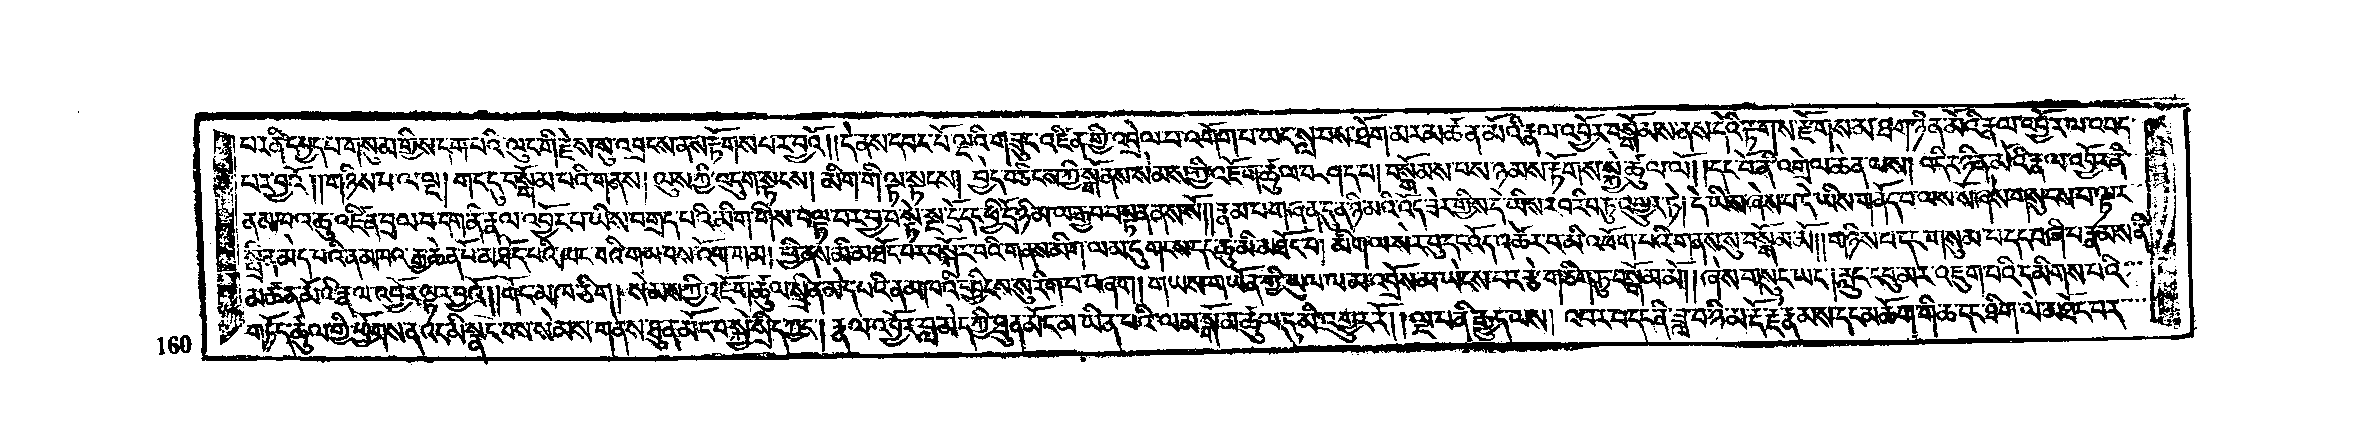པར་ནི་དཔྱད་པ་གསུམ་གྱིས་དག་པའི་ལུང་གི་རྗེས་སུ་འབྲངས་ནས་རྟོགས་པར་བྱའོ། །དེ་ནས་དབང་པོ་ལྔའི་གཟུང་འཛིན་གྱི་འབྲེལ་པ་འགོག་པ་ཡང་སླ་བས་ཐོག་མར་མཚན་མོའི་རྣལ་འབྱོར་བསྒོམས་ནས་དེའི་རྟགས་རྫོགས་མ་ཐག་ཉིན་མོའི་རྣལ་འབྱོར་ལ་འབད་
པར་བྱའོ། །གཉིས་པ་ལ་ལྔ། གང་དུ་བསྒོམ་པའི་གནས། ལུས་ཀྱི་འདུག་སྟངས། མིག་གི་ལྟ་སྟངས། བྱེད་བཅིངས་ཀྱི་སྒོ་ནས་སེམས་ཀྱི་འཇོག་ཚུལ་བཤད་པ། བསྒོམས་པས་ཉམས་རྟོགས་སྐྱེ་ཚུལ་ལོ། །དང་པོ་ནི་འགྲེལ་ཆེན་ལས། འདིར་ཉིན་མོའི་རྣལ་འབྱོར་ནི་
ནམ་མཁའ་ཆུ་འཛིན་བྲལ་བ་དག་ནི་རྣལ་འབྱོར་པ་ཡིས་བགྲད་པའི་མིག་གིས་བལྟ་བར་བྱ་བ་སྟེ་སྔ་དྲོ་དང་ཕྱི་དྲོ་ཉི་མ་ལ་རྒྱབ་བསྟན་ནས་སོ། །རྣམ་པ་གཞན་དུ་ན་ཉི་མའི་འོད་ཟེར་གྱིས་དེ་ཡིས་རབ་རིབ་ཏུ་འགྱུར་ཏེ། དེ་ཡིས་ཞེས་པ་དེ་ཡིས་གནོད་པ་ལས་སོ་ཞེས་གསུངས་པ་ལྟར་
སྤྲིན་མེད་པའི་ནམ་མཁའ་རྒྱ་ཆེན་པོ་མཐོང་བའི་ཁང་བའི་གམ་པས་འོག་གམ། ཕྱི་ནས་མི་མཐོང་བར་བསྐོར་བའི་གནས་མིག་ལམ་དུ་གངས་དང་ཆུ་མི་མཐོང་བ། མིག་ལ་སེར་བུ་དང་འོད་འཚོར་བ་མི་འཕོག་པའི་གནས་སུ་བསྒོམ་མོ། །གཉིས་པ་དང་གསུམ་པ་དང་བཞི་པ་རྣམས་ནི་
མཚན་མོའི་རྣལ་འབྱོར་ལྟར་བྱའོ། །གོང་མ་ཁ་ཅིག །སེམས་ཀྱི་འཇོག་ཚུལ་སྲིན་མེད་པའི་ནམ་མཁའི་དབྱིངས་སུ་རིག་པ་བཞག །གཡས་གཡོན་གྱི་ཡུལ་ལ་མ་འབྲོས་མ་ཡེངས་པར་རྩེ་གཅིག་ཏུ་བསྒོམ་མོ། །ཞེས་གསུང་ཡང་། རླུང་དབུ་མར་འཇུག་པའི་དམིགས་པའི་
གཏོད་ཚུལ་གྱི་ཕྱོགས་ནའང་མི་སྣང་བས་སེམས་གནས་ཐུན་མོང་བ་སྐྱེ་སྲིད་ཀྱང་། རྣལ་འབྱོར་བླ་མེད་ཀྱི་ཐུན་མོང་མ་ཡིན་པའི་ལམ་སྒོམ་ཚུལ་དུ་མི་འགྱུར་རོ། །ལྔ་པ་ནི་རྒྱུད་ལས། འབར་བ་དང་ནི་ཟླ་བ་ཉི་མ་རྡོ་རྗེ་རྣམས་དང་མཆོག་གི་ཆ་དང་ཐིག་ལེ་མཐོང་བར་